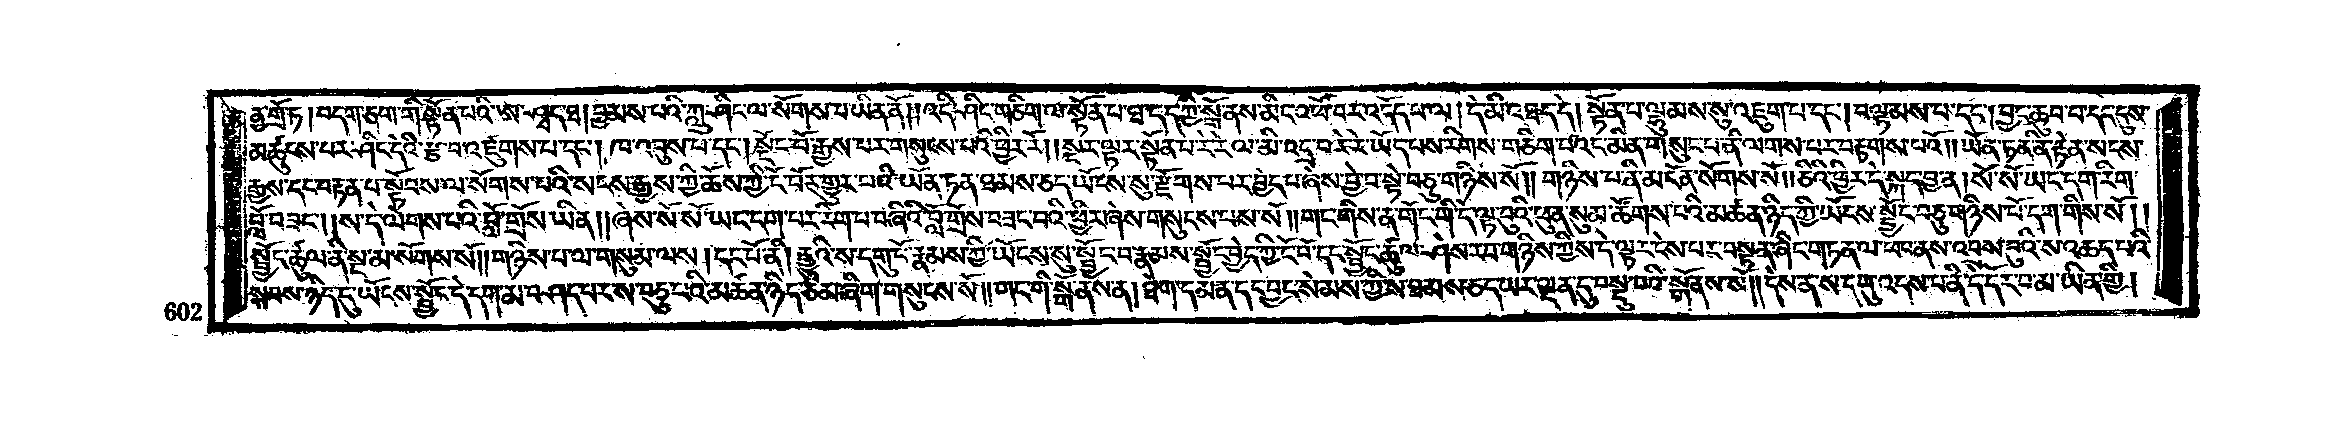ནྱ་གྲོ་ཏ། བདག་ཅག་གི་སྟོན་པའི་ཨ་ཤྭད་ཐ། བྱམས་པའི་ཀླུ་ཤིང་ལ་སོགས་པ་ཡིན་ནོ། །འདི་ཤིང་གཅིག་ལ་སྟོན་པ་ཐ་དད་ཀྱི་སྒོ་ནས་མིང་འཕོ་བར་འདོད་པ་ལ། དེ་མི་འཐད་དེ། སྟོན་པ་ལྷུམས་སུ་འཇུག་པ་དང་། བལྟམས་པ་དང་། བྱང་ཆུབ་པ་དང་དུས་
མཚུངས་པར་ཤིང་དེའི་རྩ་བ་འཛུགས་པ་དང་། ཁ་འབུས་པ་དང་། སྡོང་པོ་རྒྱས་པར་གསུངས་པའི་ཕྱིར་རོ། །སྔར་ལྟར་སྟོན་པ་རེ་རེ་ལ་མི་འདྲ་བ་རེ་རེ་ཡོད་པས་རིགས་གཅིག་པའང་མིན་གསུང་པ་ནི་ལེགས་པར་བརྟགས་པའོ། །ཡོན་ཏན་ནི་རྟེན་སངས་
རྒྱས་དང་བརྟན་པ་སྟོབས་ལ་སོགས་པའི་སངས་རྒྱས་ཀྱི་ཆོས་ཀྱི་ངོ་བོར་གྱུར་པའི་ཡོན་ཏན་ཐམས་ཅད་ཡོངས་སུ་རྫོགས་པར་བྱེད་པ་ཞེས་བྱ་བ་སྟེ་བཅུ་གཉིས་སོ། །གཉིས་པ་ནི་མངོན་སོགས་སོ། །ཅིའི་ཕྱིར་དེ་སྐད་བྱ་ན། སོ་སོ་ཡང་དག་རིག་
བློ་བཟང་། །ས་དེ་ལེགས་པའི་བློ་གྲོས་ཡིན། །ཞེས་སོ་སོ་ཡང་དག་པར་རིག་པ་བཞིའི་བློ་གྲོས་བཟང་བའི་ཕྱིར་ཞེས་གསུངས་པས་སོ། །གང་གིས་ན་གོང་གི་དེ་ལྟ་བུའི་ཕུན་སུམ་ཚོགས་པའི་མཚན་ཉིད་ཀྱི་ཡོངས་སྦྱོང་བཅུ་གཉིས་པོ་དག་གིས་སོ། །
སྦྱོང་ཚུལ་ནི་སྔ་མ་སོགས་སོ། །གཉིས་པ་ལ་གསུམ་ལས། དང་པོ་ནི། རྒྱུའི་ས་དགུ་པོ་རྣམས་ཀྱི་ཡོངས་སུ་སྦྱོང་བ་རྣམས་སྦྱོང་བྱེད་ཀྱི་ངོ་བོ་དང་སྦྱོང་ཚུལ་ཤེས་རབ་གཉིས་ཀྱིས་དེ་ལྟར་ངེས་པར་བསྟན་ཞིང་གཏན་ལ་ཕབ་ནས་འབྲས་བུའི་ས་འཆད་པའི་
སྐབས་ཉིད་དུ་ཡོངས་སྦྱོང་དེ་དག་མ་བཤད་པར་ས་བཅུ་པའི་མཚན་ཉིད་ཙམ་ཞིག་གསུངས་སོ། །གང་གི་སྒོ་ནས་ན། ཐེག་དམན་དང་བྱང་སེམས་ཀྱི་ས་ཐམས་ཅད་ཡར་ལྡན་དུ་བསྡུ་བའི་སྒོ་ནས་སོ། །དེས་ན་ས་དགུ་འདས་པ་ནི་དེ་དོར་བ་མ་ཡིན་གྱི།